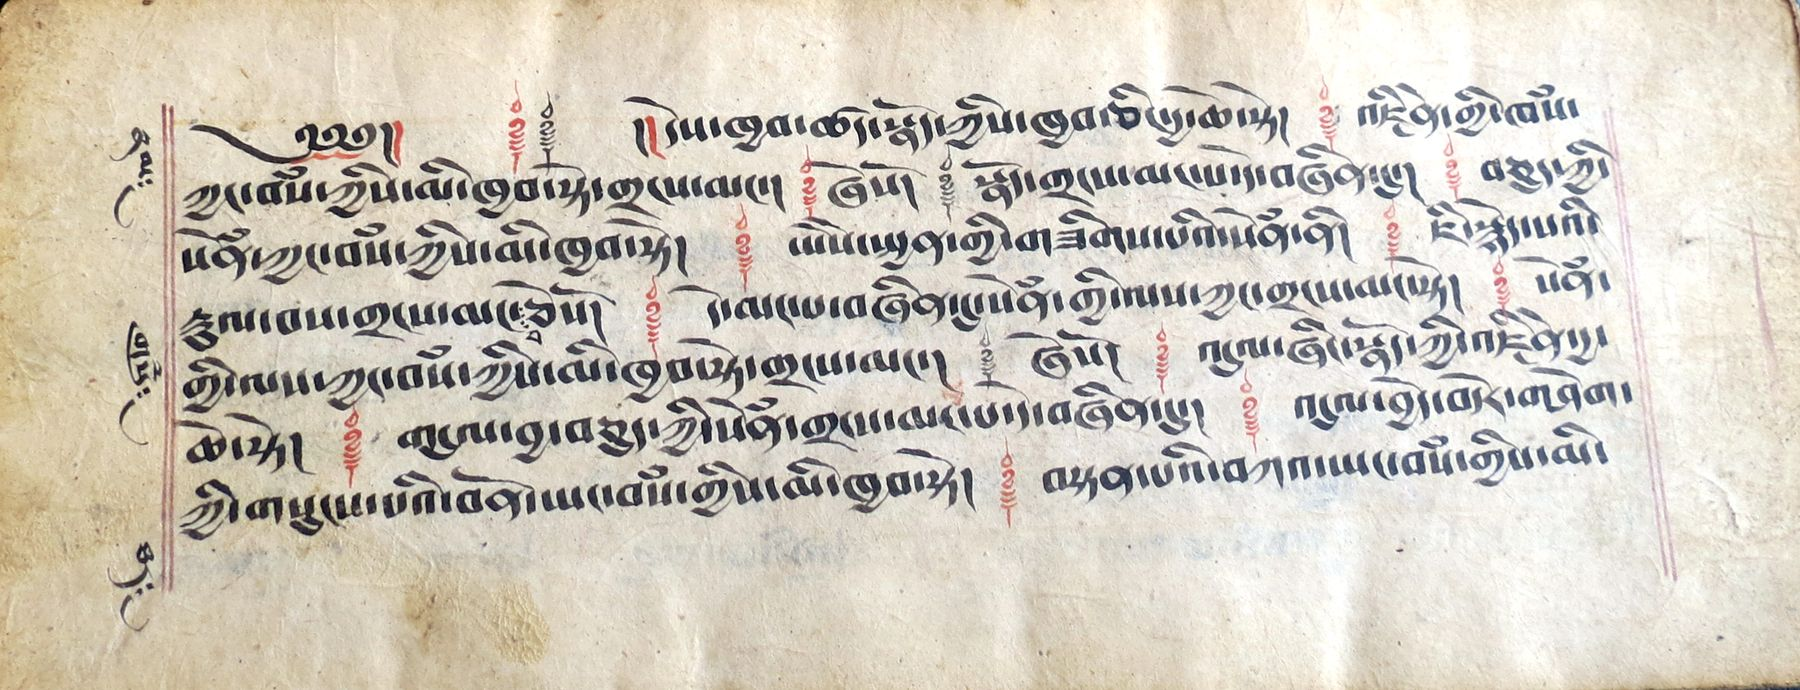དེས་ཁྱབ་ཚད་སྣོད་ཀྱིས་ཁྱབ་ཅིང་རྒྱ་ཆེ་སྟེ། འཇིག་རྟེན་གྱི་ཁམས་
ཀྱང་བསམ་གྱིས་མི་ཁྱབ་སྟེ་གྲངས་མང་ཞེས་སོ། ། སྣོད་གྲངས་མང་བ་དེ་བཞིན་དུ། བཅུད་ཀྱི་
སེམས་ཅན་ཀྱང་བསམ་གྱིས་མི་ཁྱབ་སྟེ། ཡེ་ཤེས་སྤྱན་གྱིས་གཟིགས་པའི་སེམས་ཅན་ནི། ཇི་སྙེད་སའི་
རྡུལ་བས་གྲངས་མང་བས་ཞེས་སོ། ། དེ་མང་བ་བཞིན་དུ་སེམས་ཅན་གྱི་ལས་ཀྱང་གྲངས་མང་སྟེ། སེམས་ཅན་
གྱི་ལས་ཀྱང་བསམ་གྱིས་མི་ཁྱབ་སྟེ་གྲངས་མང་ཞེས་སོ། ། གདུལ་ཞིང་སྣོད་ཀྱི་འཇིག་རྟེན་རྒྱ་
ཆེ་སྟེ། གདུལ་བྱ་བཅུད་ཀྱི་སེམས་ཅན་གྲངས་མང་པ་དེ་བཞིན་དུ། འདུལ་བྱེད་བདེར་གཤེགས་
ཀྱིས་གསུངས་པའི་བོན་ཀྱང་བསམ་གྱིས་མི་ཁྱབ་སྟེ། སྟོན་པའི་བཀའ་ཡང་བསམ་གྱིས་མི་